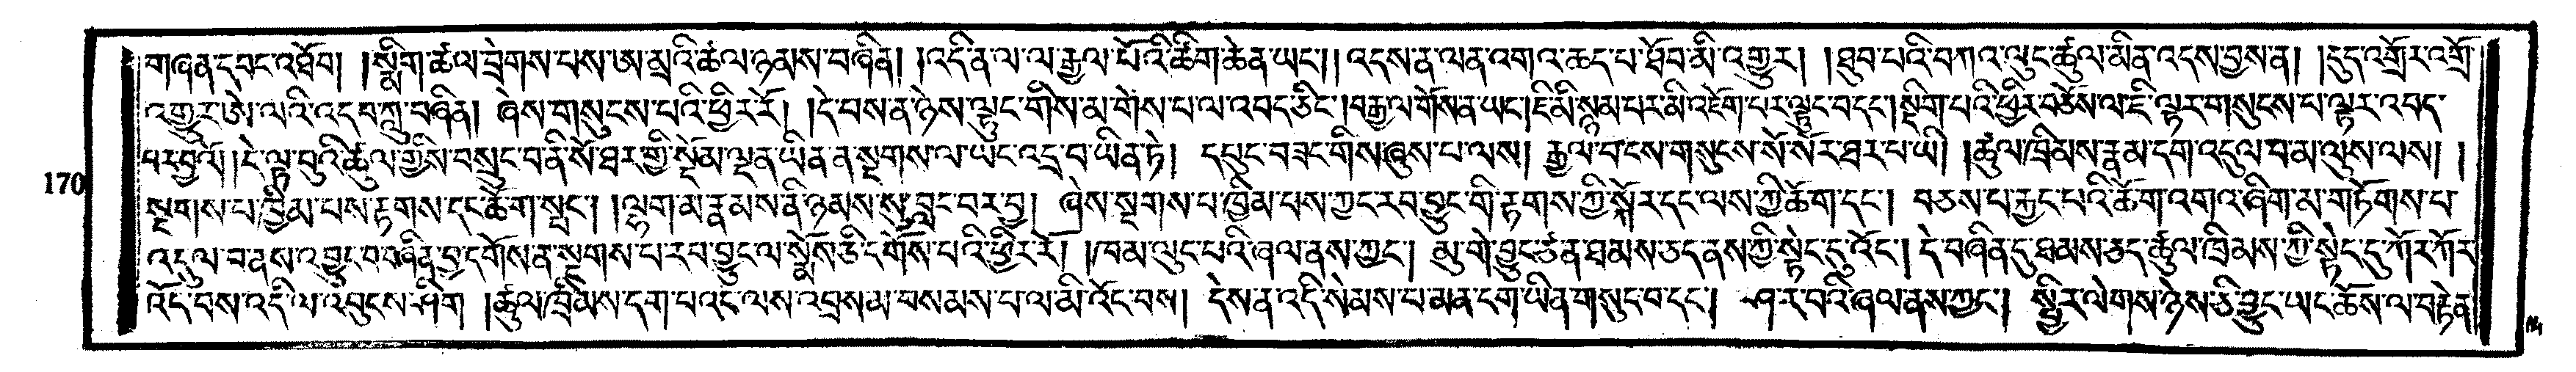གཞན་དབང་འཐོབ། །སྨིག་ཚལ་བྲེགས་པས་ཨ་མྲའི་ཚལ་ཉམས་བཞིན། །འདི་ན་ལ་ལ་རྒྱལ་པོའི་ཚིག་ཆེན་ཡང་། །འདས་ན་ལན་འགའ་ཆད་པ་ཐོབ་མི་འགྱུར། །ཐུབ་པའི་བཀའ་ལུང་ཚུལ་མིན་འདས་བྱས་ན། །དུད་འགྲོར་འགྲོ་
འགྱུར་ཨེ་ལའི་འདབ་ཀླུ་བཞིན། ཞེས་གསུངས་པའི་ཕྱིར་རོ། །དེ་བས་ན་ཉེས་ལྟུང་གིས་མ་གེས་པ་ལ་འབད་ཅིང་། བརྒྱ་ལ་གོས་ན་ཡང་། ཇི་མི་སྙམ་པར་མི་འཇོག་པར་ལྟུང་བ་དང་། སྡིག་པའི་ཕྱིར་བཅོས་ལ་ཇི་ལྟར་གསུངས་པ་ལྟར་འབད་
པར་བྱའོ། །དེ་ལྟ་བུའི་ཚུལ་གྱིས་བསྲུང་བ་ནི་སོ་ཐར་གྱི་སྡོམ་ལྡན་ཡིན་ན་སྔགས་ལ་ཡང་འདྲ་བ་ཡིན་ཏེ། དཔུང་བཟང་གིས་ཞུས་པ་ལས། རྒྱལ་བ་ངས་གསུངས་སོ་སོར་ཐར་པ་ཡི། །ཚུལ་ཁྲིམས་རྣམ་དག་འདུལ་བ་མ་ལུས་ལས། །
སྔགས་པ་ཁྱིམ་པས་རྟགས་དང་ཆོ་ག་སྤང་། །ལྷག་མ་རྣམས་ནི་ཉམས་སུ་བླང་བར་བྱ། ཞེས་སྔགས་པ་ཁྱིམ་པས་ཀྱང་རབ་བྱུང་གི་རྟགས་ཀྱི་སྐོར་དང་ལས་ཀྱི་ཆོག་དང་། བཅས་པ་རྐྱང་པའི་ཆོག་འགའ་ཞིག་མ་གཏོགས་པ་
འདུལ་བ་ནས་འབྱུང་བ་བཞིན་བྱ་དགོས་ན་སྔགས་པ་རབ་བྱུང་ལ་སྨོས་ཅི་དགོས་པའི་ཕྱིར་རོ། །ཁམ་ལུང་པའི་ཞལ་ནས་ཀྱང་། མུ་གེ་བྱུང་ཙ་ན་ཐམས་ཅད་ནས་ཀྱི་སྟེང་དུ་འོང་། དེ་བཞིན་དུ་ཐམས་ཅད་ཚུལ་ཁྲིམས་ཀྱི་སྟེང་དུ་ཀོར་ཀོར་
འོད་བས་འདི་ལ་འབུངས་ཤིག །ཚུལ་ཁྲིམས་དག་པའང་ལས་འབྲས་མ་བསམས་པ་ལ་མི་འོང་བས། དེས་ན་འདི་སེམས་པ་མན་ངག་ཡིན་གསུང་བ་དང་། ཤར་བའི་ཞལ་ནས་ཀྱང་། སྤྱིར་ལེགས་ཉེས་ཅི་བྱུང་ཡང་ཆོས་ལ་བརྟེན་